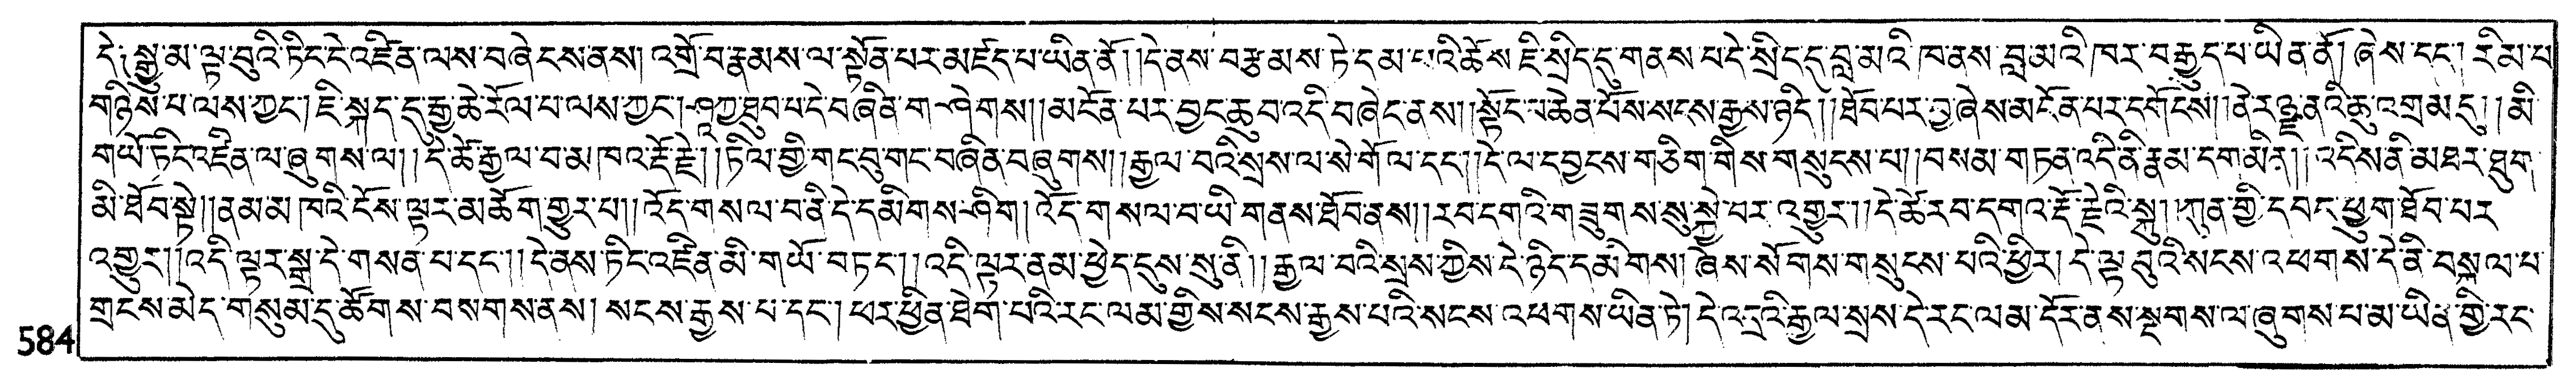དེ། སྒྱུ་མ་ལྟ་བུའི་ཏིང་ངེ་འཛིན་ལས་བཞེངས་ནས། འགྲོ་བ་རྣམས་ལ་སྟོན་པར་མཛད་པ་ཡིན་ནོ། །དེ་ནས་བརྩམས་ཏེ་དམ་པའི་ཆོས་ཇི་སྲིད་དུ་གནས་པ་དེ་སྲིད་དུ་བླ་མའི་ཁ་ནས་བླ་མའི་ཁར་བརྒྱུད་པ་ཡིན་ནོ། །ཞེས་དང་། རིམ་པ་
གཉིས་པ་ལས་ཀྱང་། ཇི་སྐད་དུ་རྒྱ་ཆེ་རོལ་པ་ལས་ཀྱང་། ཤཱཀྱ་ཐུབ་པ་དེ་བཞིན་གཤེགས། །མངོན་པར་བྱང་ཆུབ་འདི་བཞེང་ནས། །སྟོང་པ་ཆེན་པོས་སངས་རྒྱས་ཉིད། །ཐོབ་པར་བྱ་ཞེས་མངོན་པར་དགོངས། །ནེ་རཉྫ་ནའི་ཆུ་འགྲམ་དུ། །མི་
གཡོ་ཏིང་འཛིན་ལ་ཞུགས་ལ། །དེ་ཚེ་རྒྱལ་བ་མཁའ་རྡོ་རྗེ། །ཏིལ་གྱི་གང་བུ་གང་བཞིན་བཞུགས། །རྒྱལ་བའི་སྲས་ལ་སེ་གོ་ལ་དང་། །དེ་ལ་དབྱངས་གཅིག་གིས་གསུངས་པ། །བསམ་གཏན་འདི་ནི་རྣམ་དག་མིན། །འདིས་ནི་མཐར་ཐུག་
མི་ཐོབ་སྟེ། །ནམ་མཁའི་ངོས་ལྟར་མཆོག་གྱུར་པ། །འོད་གསལ་བ་ནི་དེ་དམིགས་ཤིག །འོད་གསལ་བ་ཡི་གནས་ཐོབ་ནས། །རབ་དགའི་གཟུགས་སུ་སྐྱེ་བར་འགྱུར། །དེ་ཚེ་རབ་དགའ་རྡོ་རྗེའི་སྐུ། །ཀུན་གྱི་དབང་ཕྱུག་ཐོབ་པར་
འགྱུར། །འདི་ལྟར་སྒྲ་དེ་གསན་པ་དང་། །དེ་ནས་ཏིང་འཛིན་མི་གཡོ་བཏང་། །འདི་ལྟར་ནམ་ཕྱེད་དུས་སུ་ནི། །རྒྱལ་བའི་སྲས་ཀྱིས་དེ་ཉིད་དམིགས། ཞེས་སོགས་གསུངས་པའི་ཕྱིར། དེ་ལྟ་བུའི་སངས་འཕགས་དེ་ནི་བསྐལ་པ་
གྲངས་མེད་གསུམ་དུ་ཚོགས་བསགས་ནས། སངས་རྒྱས་པ་དང་། ཕར་ཕྱིན་ཐེག་པའི་རང་ལམ་གྱིས་སངས་རྒྱས་པའི་སངས་འཕགས་ཡིན་ཏེ། དེ་འདྲའི་རྒྱལ་སྲས་དེ་རང་ལམ་དོར་ནས་སྔགས་ལ་ཞུགས་པ་མ་ཡིན་གྱི་རང་